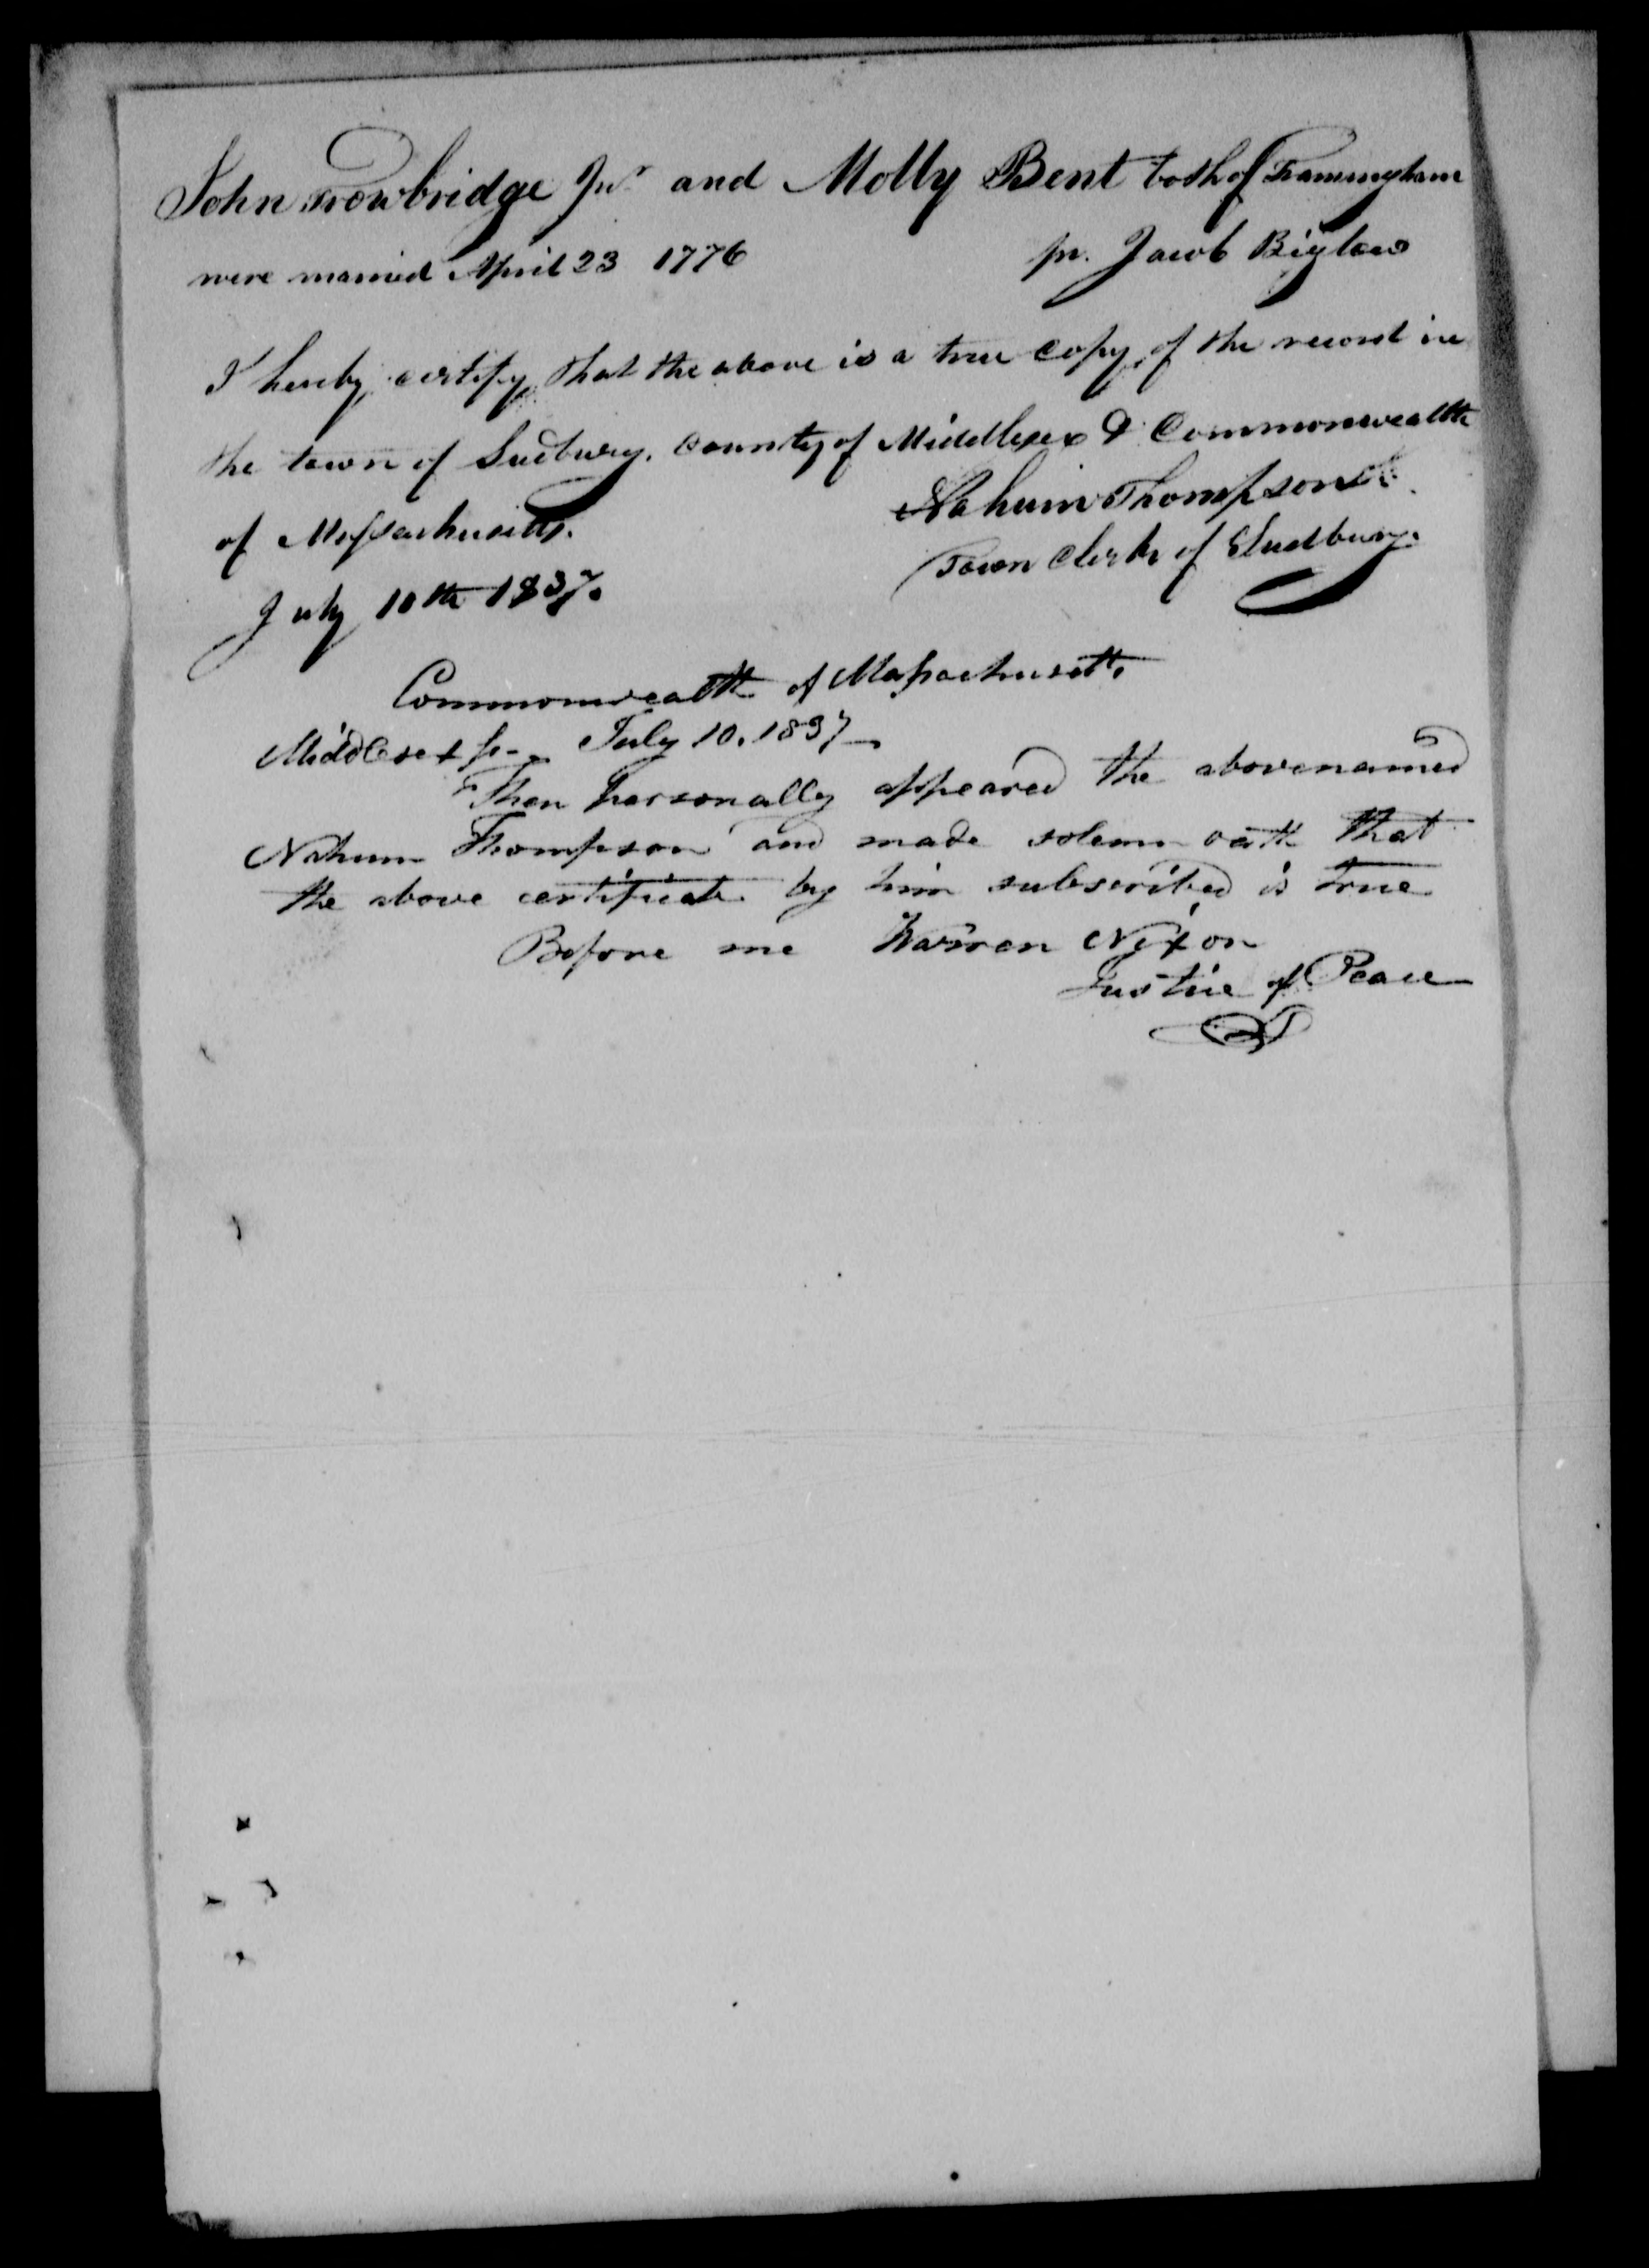John Trowbridge Jnr and Molly Bent both of Framingham were
married April 23 1776
Mr Jacob Biglow
I hereby certify that the above is a true copy of the record in
town of Sudbury County of Middlesex & Commonwealth of Massachusetts
July 10th 1837
Nahum Thompson
Town Clerk of Sudbury
Commonwealth of Massachusetts
Middlesex
July 10, 1837
Then personally appeared the above named
Nahum Thompson and made solemn oath that the
above certificate by him subscribed is true
Before me Warren Nixon
Justice of Peace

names: Warren Nixon, Nahum Thompson, Molly Bent, Jacob Biglow, Nahum Thompson, John Trowbridge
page: 12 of 34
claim: widow's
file: W. 15439, John Trowbridge, Mass.